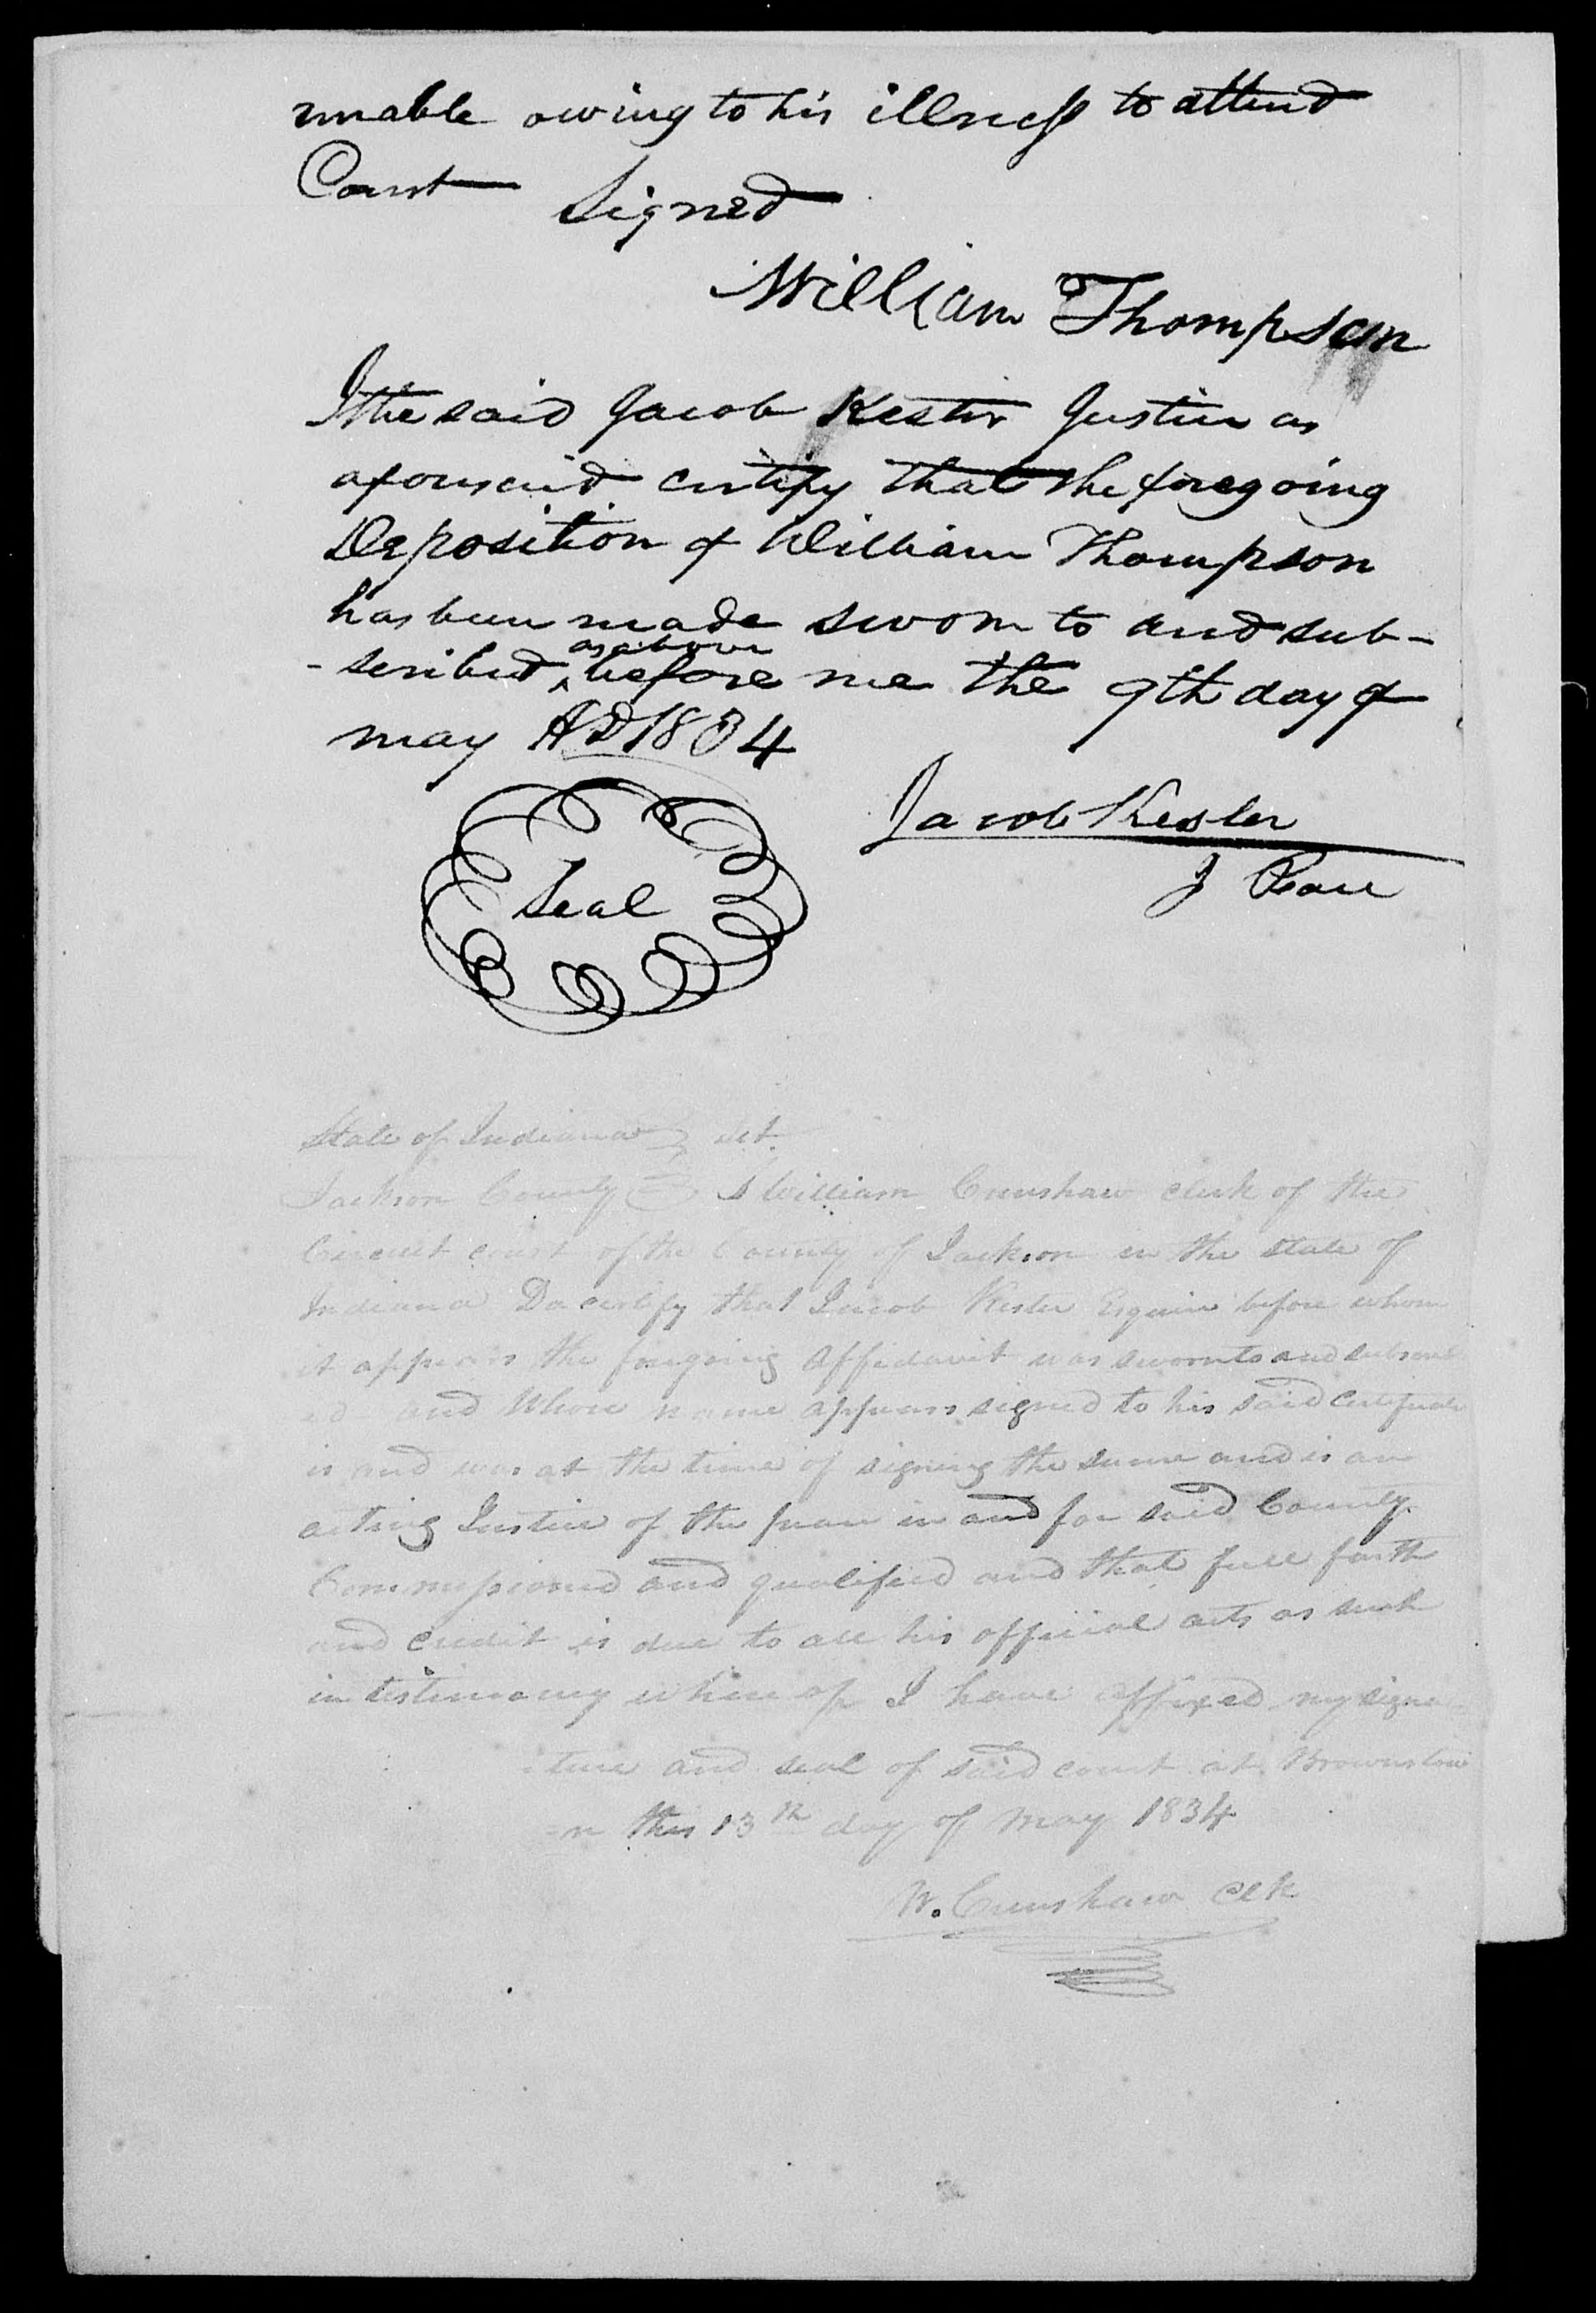unable owing to his illness to attend
Court
Signed
William Thompson
I the said Jacob Hester Justice as
aforesaid certify that the foregoing
Deposition of William Thompson
has been made sworn to and subscribed ^
as above before me the 9th day of
May AD 1834
Seal
Jacob Kester J Peace

State of Indiana }
Jackson County  } SS
I William Crenshaw Clerk of the
Circuit Court of the County of Jackson in the State of Indiana Do certify that Jacob Kester Esquire before whom it appears the foregoing affidavit was sworn to and subscribed and whose name appears signed to his said certificate is and was at the time of signing the same and is an acting Justice of the peace in and for said County Commissioned and qualified and that full faith and credit is due to all his official acts as such in testimony whereof I have affixed my signature and seal of said court at Brownstown
on this 13th day of May 1834
W. Crenshaw Clk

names: Jacob Kester, Jacob Kester, Jacob Kester, William Thompson, W Crenshaw, William Crenshaw, William Thompson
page: 24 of 36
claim: survivor's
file: S. 31,718, James Guffey, Penn.